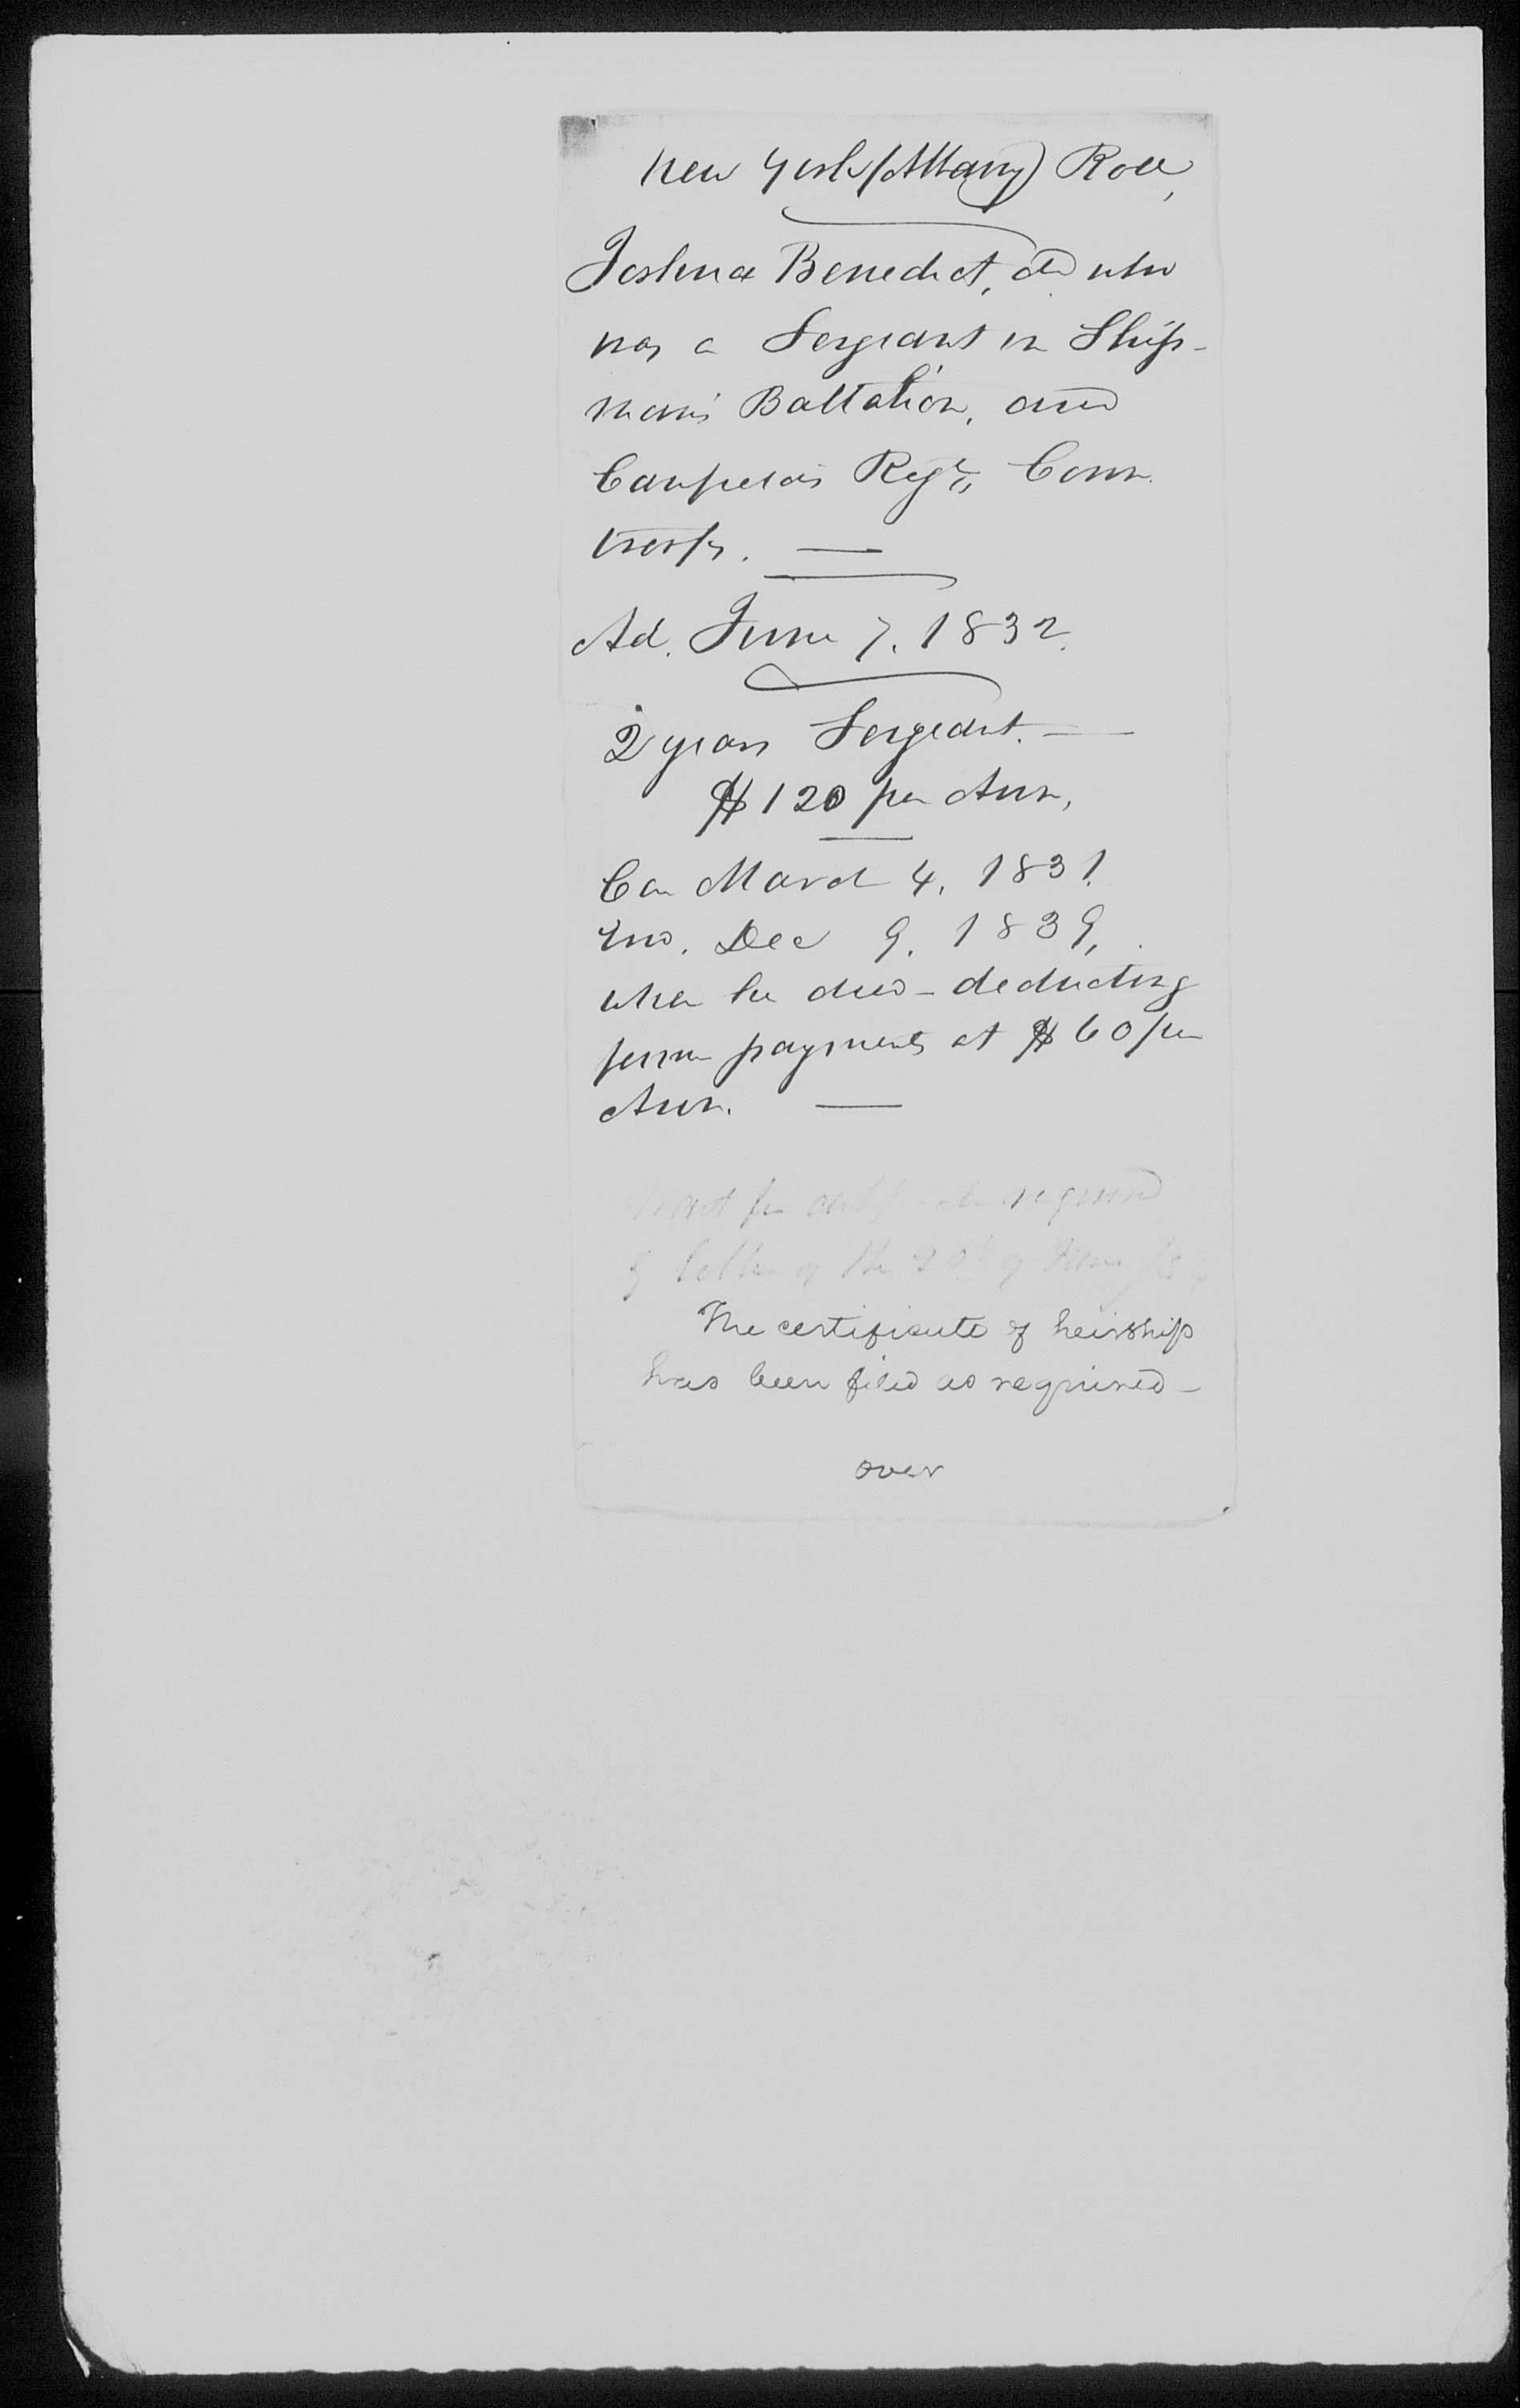New York Albany Roll,

Joshua Benedict, dcd. who was a Sergeant in Shipman's Battalion, and Canfield's Regt Conn. troops. -

Act. June 7, 1832.

2 years Sergeant.
$120 per Ann.

Cm March 4. 1831.
End. Dec 9. 1839.
when he died - deducting [illegible] payments at $60 per Ann.

[illegible] for certificate required & letter of the 20th of June /54
The certificate of heirship has been filed as required-

over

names: Joshua Benedict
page: 18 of 106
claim: survivor's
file: S 23,116., Joshua Benedict, Conn.